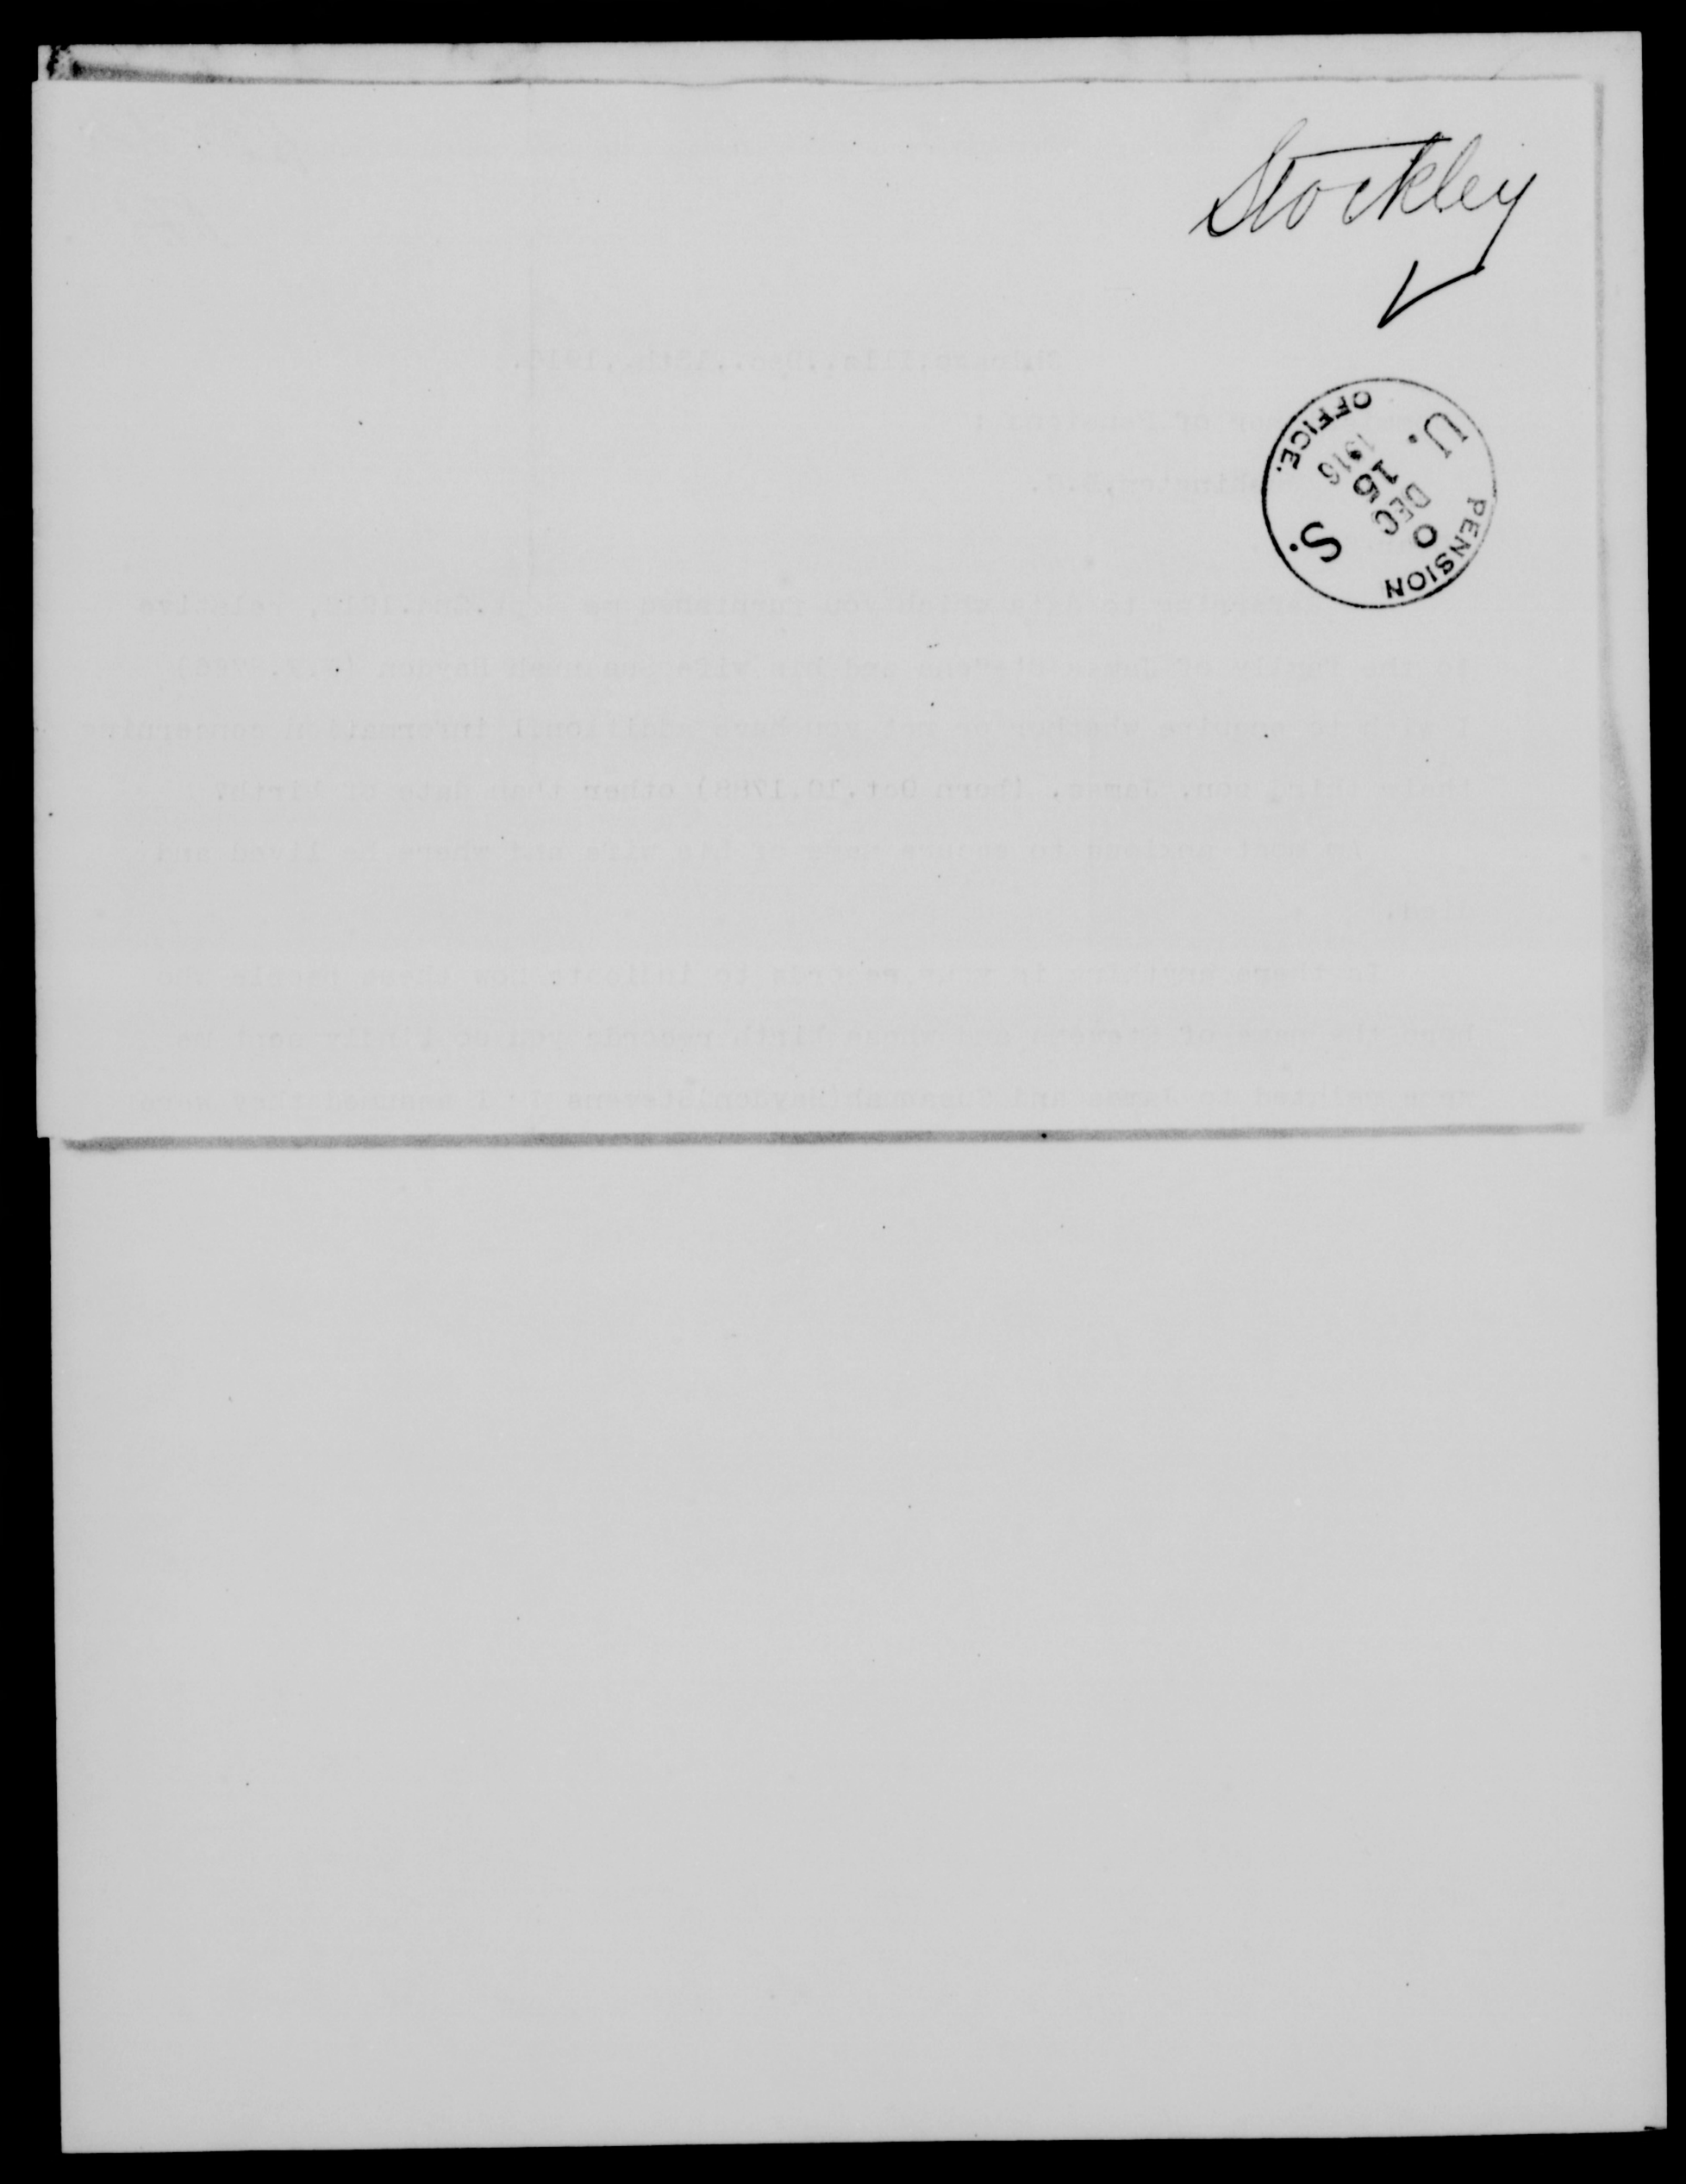Stockely
PENSION OFFICE.
U.S.
DEC 15 1916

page: 39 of 99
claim: widow's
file: W 8766, for James Stevens, Virginia